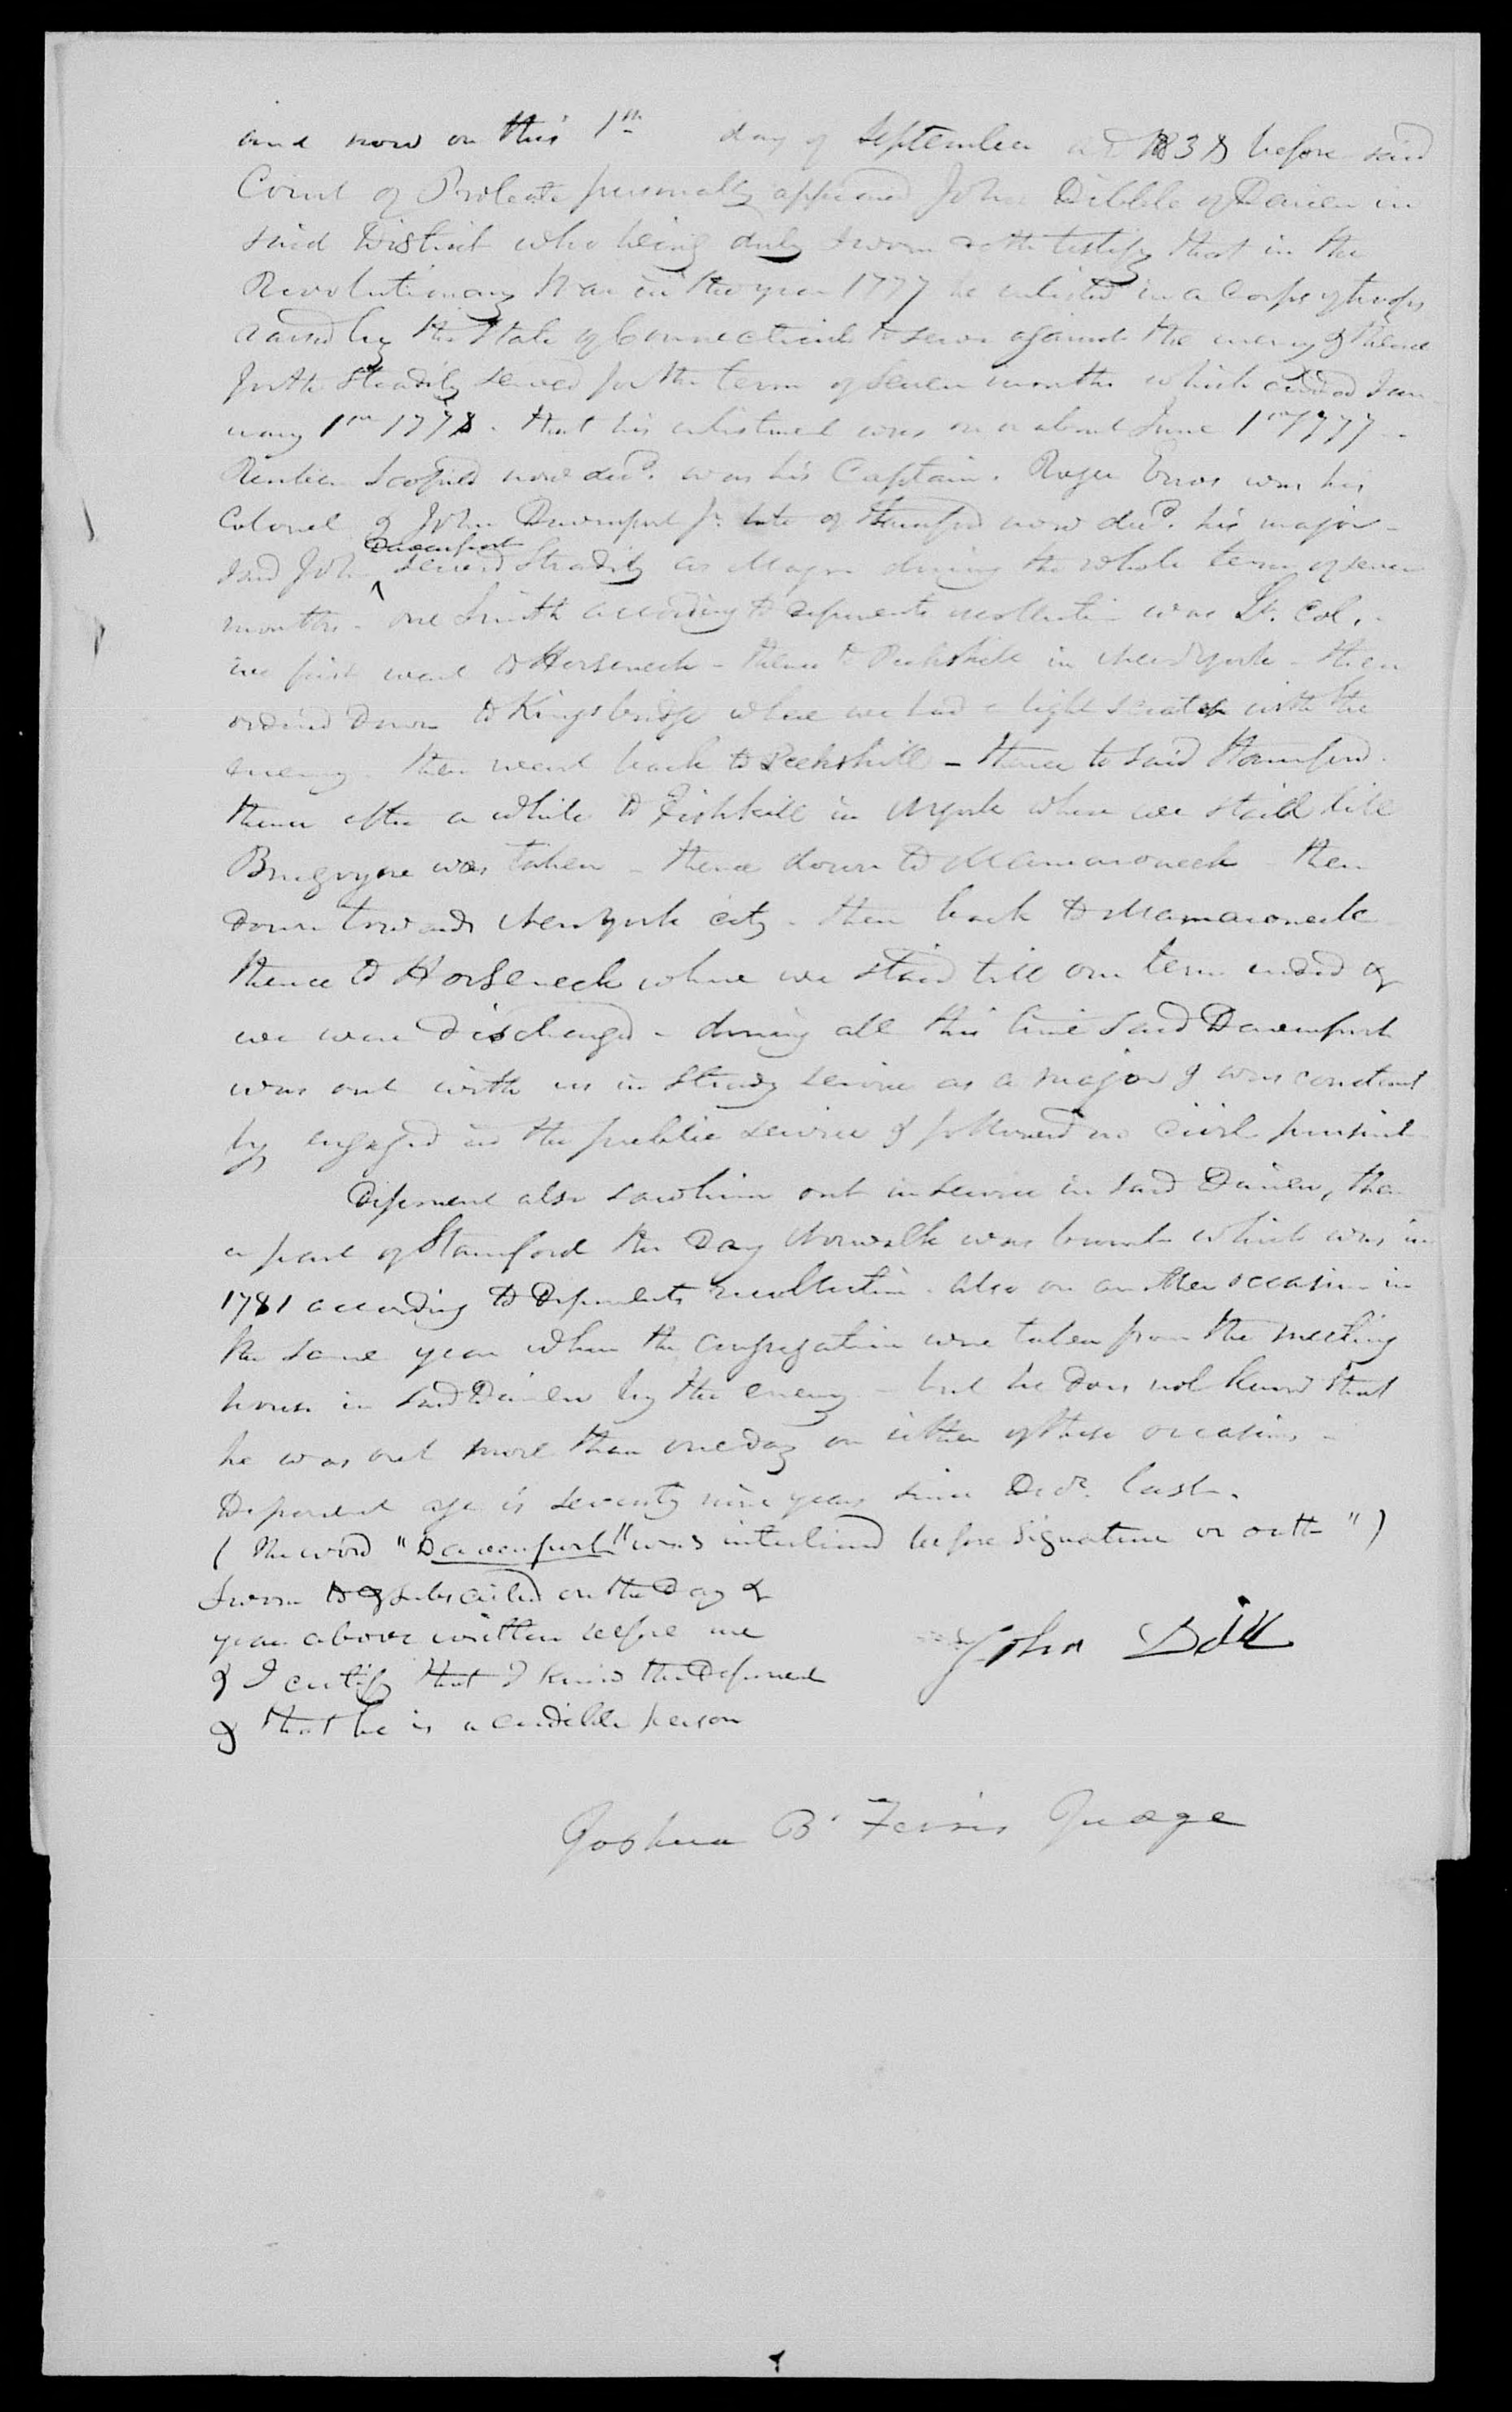and now on this 1st day of September AD 1838 before said Court of Probate personally appeared John Dibble of Darien in said District who being duly sworn doth testify that in the Revolutionary War in the year 1777 he enlisted in a corps of troops raised by this State of Connecticut to serve against the enemy & thence forth steadily served for the term of seven months which ended January 1 1778--that his enlistment was in or about June 1 1777--[illegible] Scofield now decd was his Captain. Roger Enos was his Colonel & John Davenport Jr late of Stamford now decd his major--said John Davenport served steadily as Major during the whole term of seven months--one Smith according to deponents recollection was Lt. Col. --we first went to Horseneck then to Peekskill in New York--then ordered down to Kingsbridge where we had a light scratch with the enemy then went back to Peekskill--thence to said [illegible] then after a while to Fishkill in New York where we staid till Burgoyne was taken --thence down to Mamaroneck then down toward New York City--then back to Mamaroneck thence to Horseneck where we staid till our term ended and we were discharged--during all this time said Davenport was out with us in steady service as a major & was constantly engaged in the public service & followed no civil pursuit.
Deponent also saw him out in service in said Darien, then a part of Stamford the day Norwalk was burned which was in 1781 according to deponents recollection. Also on one other occasion in the same year when the congregation were taken from the meeting house in said Darien by the enemy--but he does not know that he was out more than one day on either of those occasions--Deponents age is seventy nine years since Dec last
(The word "[illegible]" was intended before signature or [illegible])
John Dibble
Sworn & subscribed on the day & year above written before me & I certify that I know the deponent & that he is a credible person
Joshua B Ferris Judge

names: John Davenport, John Dibble, Roger Enos, Davenport, Davenport, John Davenport, Joshua B Ferris, John Dibble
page: 12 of 15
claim: widow's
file: W 17711, John Davenport, Conn.